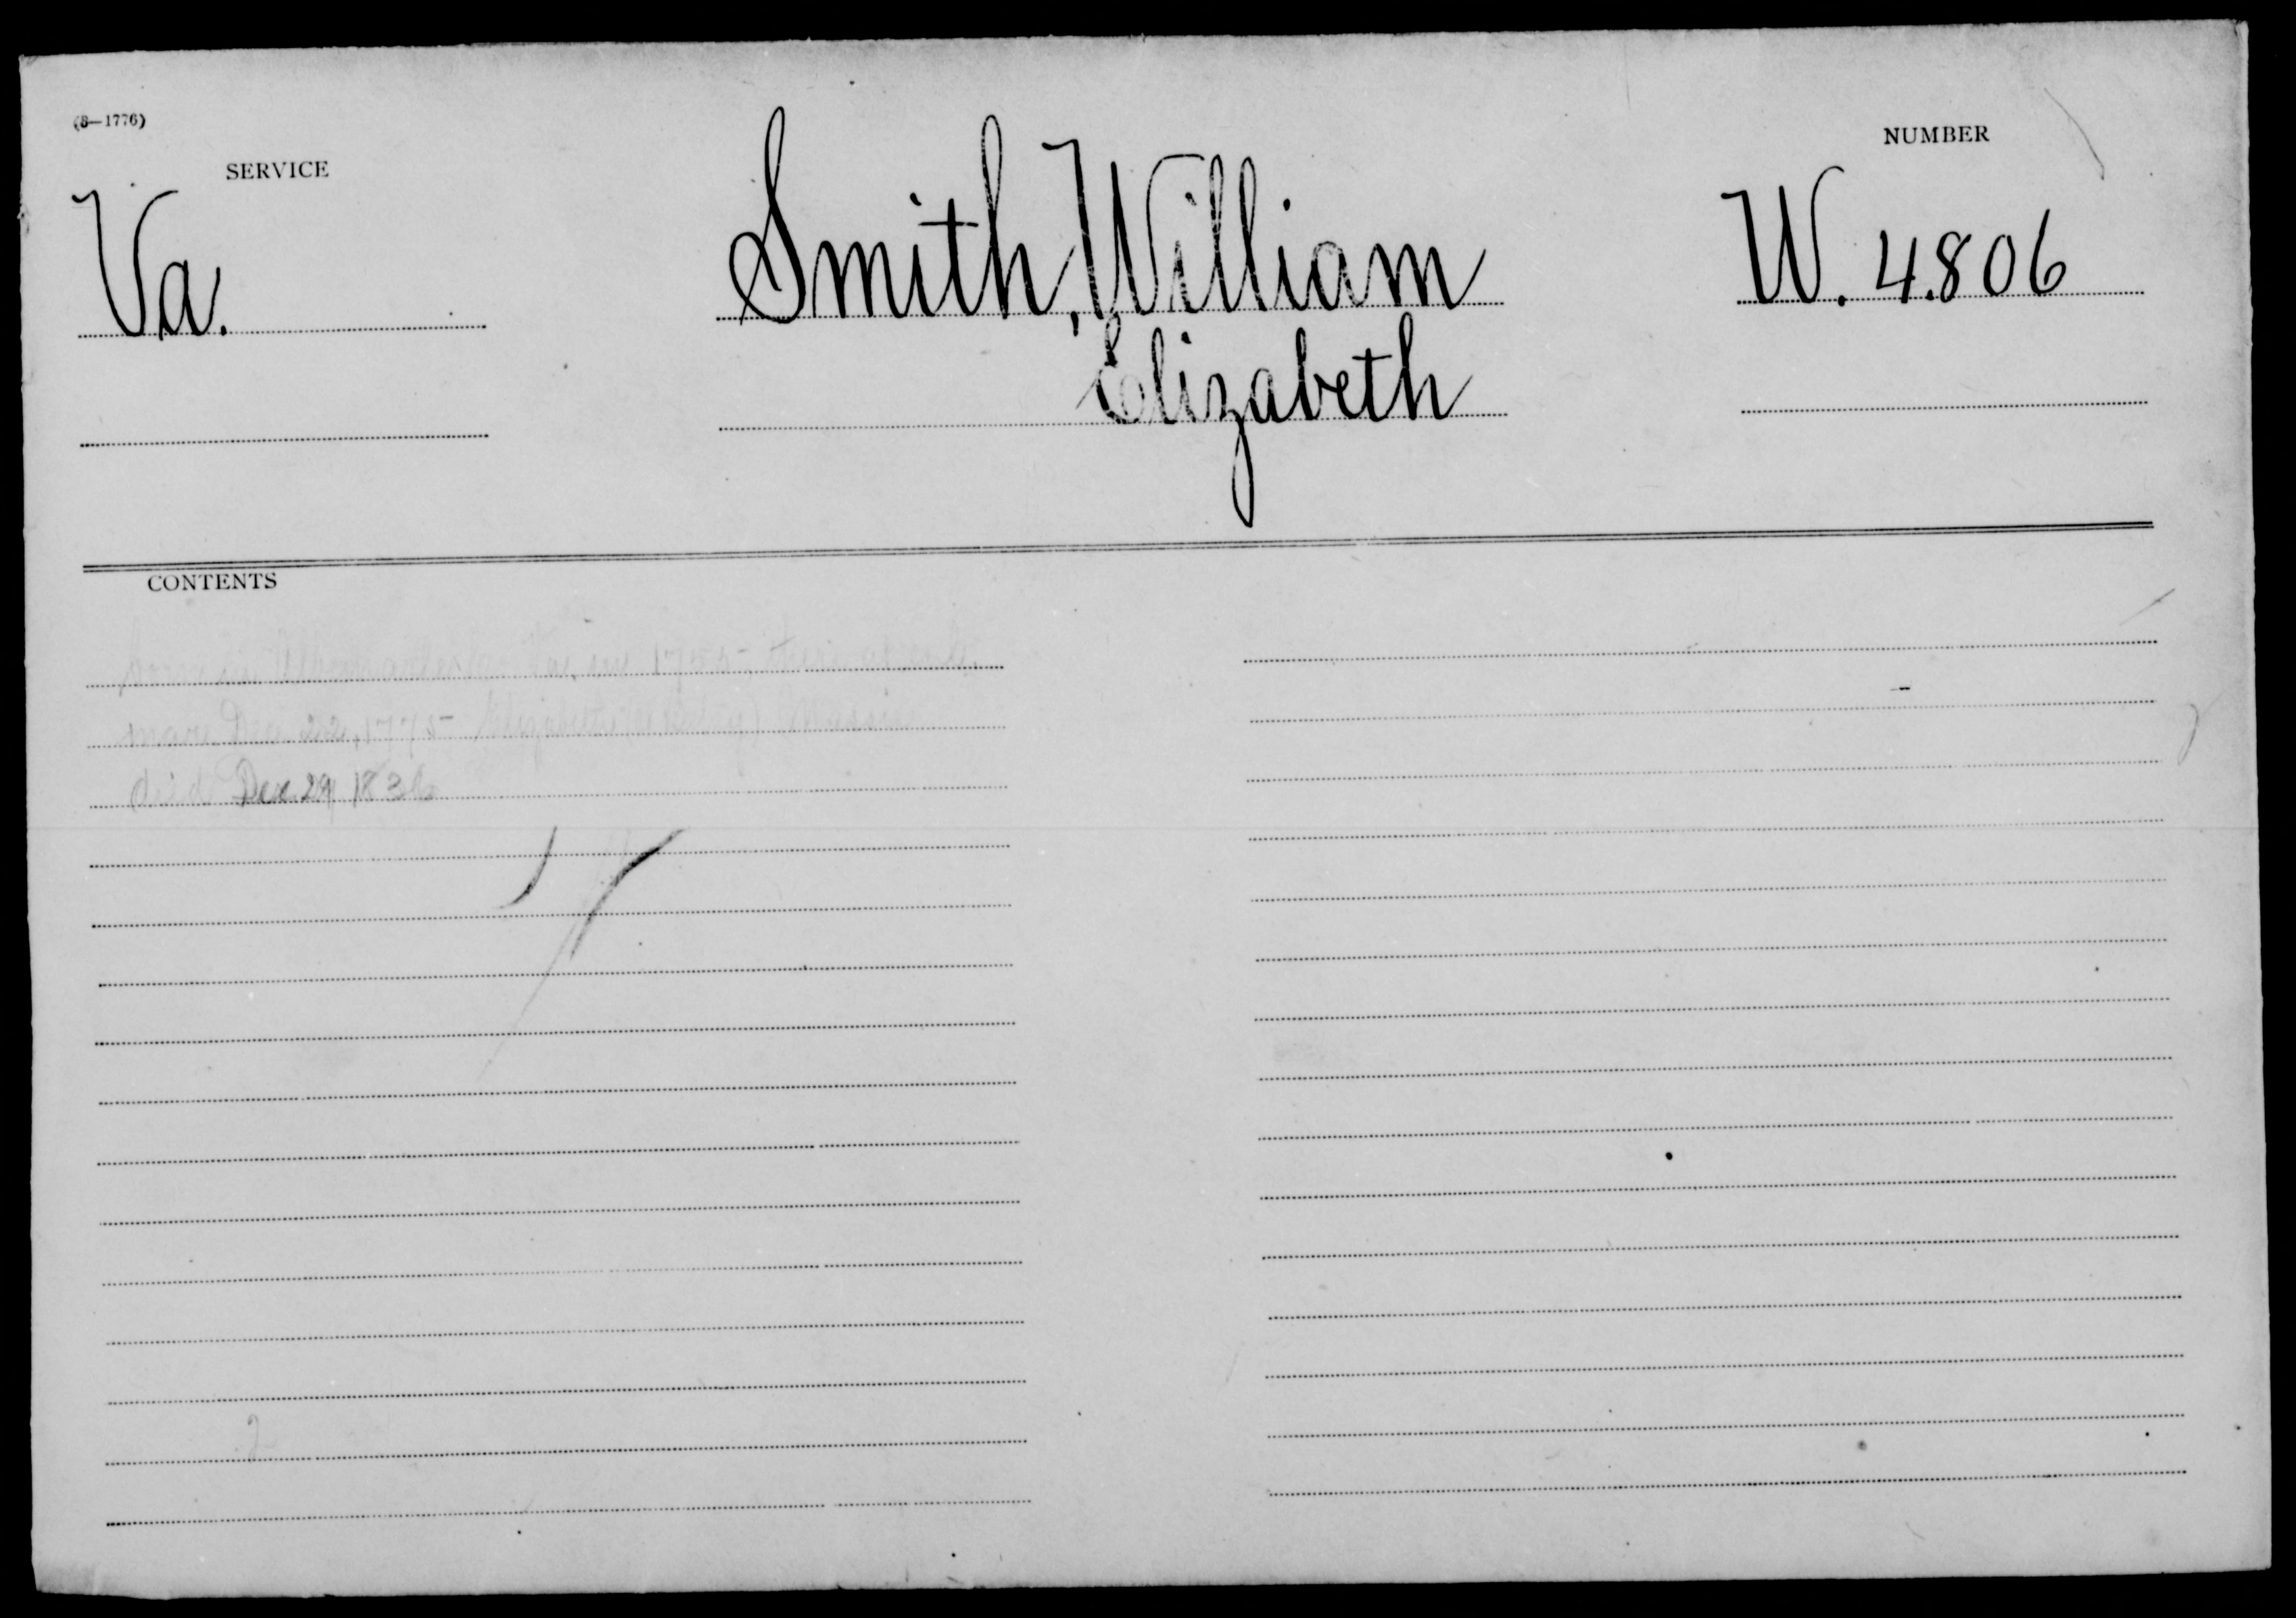SERVICE: Va.
Smith, William
Elizabeth
NUMBER: W. 4.806
CONTENTS:
born in Albemarle Va. in 1755 [illegible] mar Dec 22, 1775 Elizabeth [illegible] Massie
died Dec 29 1836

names: [BLANK]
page: 1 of 22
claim: widow's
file: W. 4,806, for William Smith, Virginia